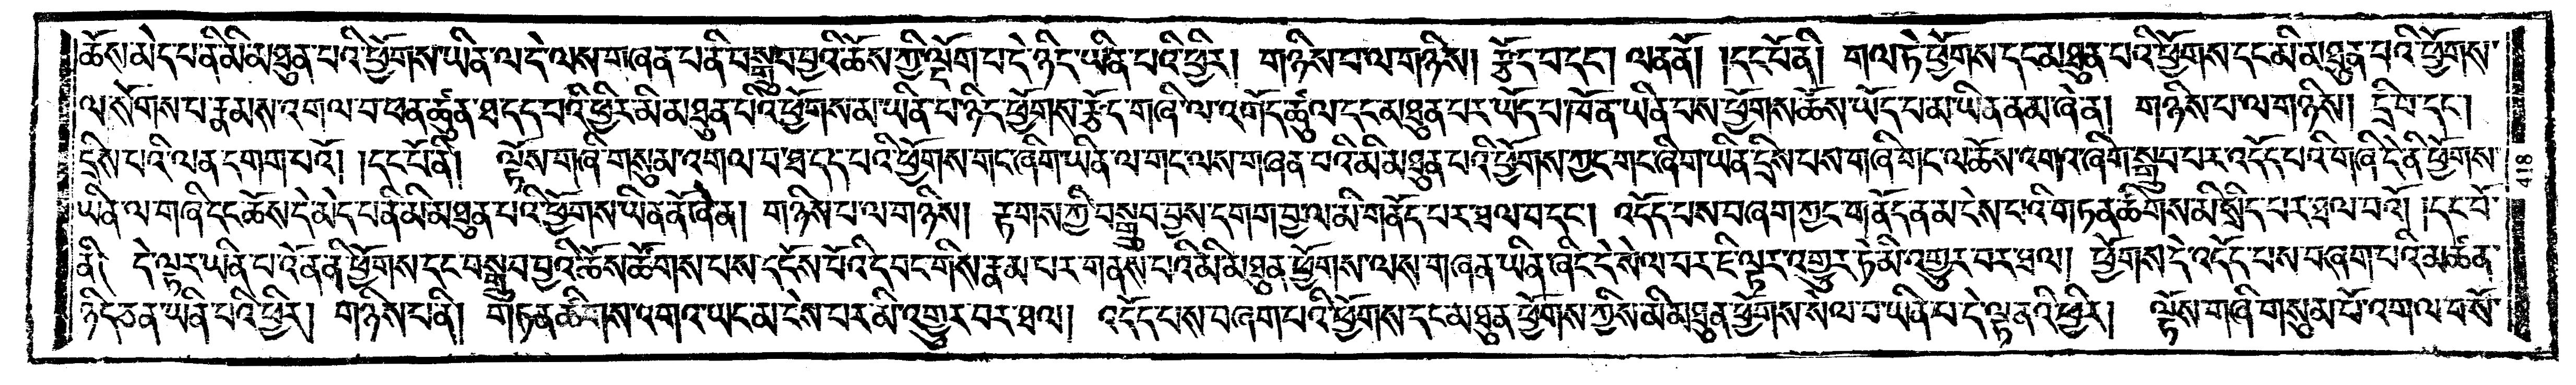ཆོས་མེད་པ་ནི་མི་མཐུན་པའི་ཕྱོགས་ཡིན་ལ་དེ་ལས་གཞན་པ་ནི་བསྒྲུབ་བྱའི་ཆོས་ཀྱི་ལྡོག་པ་དེ་ཉིད་ཡིན་པའི་ཕྱིར། གཉིས་པ་ལ་གཉིས། རྩོད་པ་དང་། ལན་ནོ། །དང་པོ་ནི། གལ་ཏེ་ཕྱོགས་དང་མཐུན་པའི་ཕྱོགས་དང་མི་མཐུན་བའི་ཕྱོགས་
ལ་སོགས་པ་རྣམས་འགལ་བ་ཕན་ཚུན་ཐ་དད་པའི་ཕྱིར་མི་མཐུན་པའི་ཕྱོགས་མ་ཡིན་པ་ཉིད་ཕྱོགས་རྩོད་གཞི་ལ་འགོད་ཚུལ་དང་མཐུན་པར་ཡོད་པ་ཁོ་ན་ཡིན་པས་ཕྱོགས་ཆོས་ཡོད་པ་མ་ཡིན་ན་མ་ཞེ་ན། གཉིས་པ་ལ་གཉིས། དྲི་བ་དང་།
དྲིས་པའི་ལན་དགག་པའོ། །དང་པོ་ནི། ལྟོས་གཞི་གསུམ་འགལ་བ་ཐ་དད་པའི་ཕྱོགས་གང་ཞིག་ཡིན་ལ་གང་ལས་གཞན་པའི་མི་མཐུན་པའི་ཕྱོགས་ཀྱང་གང་ཞིག་ཡིན་དྲིས་པས་གཞི་གང་ལ་ཆོས་འགའ་ཞིག་སྒྲུབ་པར་འདོད་པའི་གཞི་དེ་ནི་ཕྱོགས་
ཡིན་ལ་གཞི་དང་ཆོས་དེ་མེད་པ་ནི་མི་མཐུན་པའི་ཕྱོགས་ཡིན་ནོ་ཞེ་ན། གཉིས་པ་ལ་གཉིས། རྟགས་ཀྱི་བསྒྲུབ་བྱས་དགག་བྱ་ལ་མི་གནོད་པར་ཐལ་བ་དང་། འདོད་པས་བཞག་ཀྱང་གནོད་ན་མ་ངེས་པའི་གཏན་ཚིགས་མི་སྲིད་པར་ཐལ་བའོ། །དང་པོ་
ནི༑ དེ་ལྟར་ཡིན་པ་འོ་ན་ནི་ཕྱོགས་དང་བསྒྲུབ་བྱའི་ཆོས་ཚོགས་པས་དངོས་པོའི་དབང་གིས་རྣམ་པར་གནས་པའི་མི་མཐུན་ཕྱོགས་ལས་གཞན་ཡིན་ཞིང་དེ་སེལ་པར་ཇི་ལྟར་འགྱུར་ཏེ་མི་འགྱུར་བར་ཐལ། ཕྱོགས་དེ་འདོད་པས་བཞག་པའི་མཚན་
ཉིད་ཅན་ཡིན་པའི་ཕྱིར། གཉིས་པ་ནི། གཏན་ཚིགས་འགའ་ཡང་མ་ངེས་པར་མི་འགྱུར་བར་ཐལ། འདོད་པས་བཞག་པའི་ཕྱོགས་དང་མཐུན་ཕྱོགས་ཀྱིས་མི་མཐུན་ཕྱོགས་སེལ་བ་ཡིན་པ་དེ་ལྟ་ནའི་ཕྱིར། ལྟོས་གཞི་གསུམ་པོ་འགལ་བ་སོ་